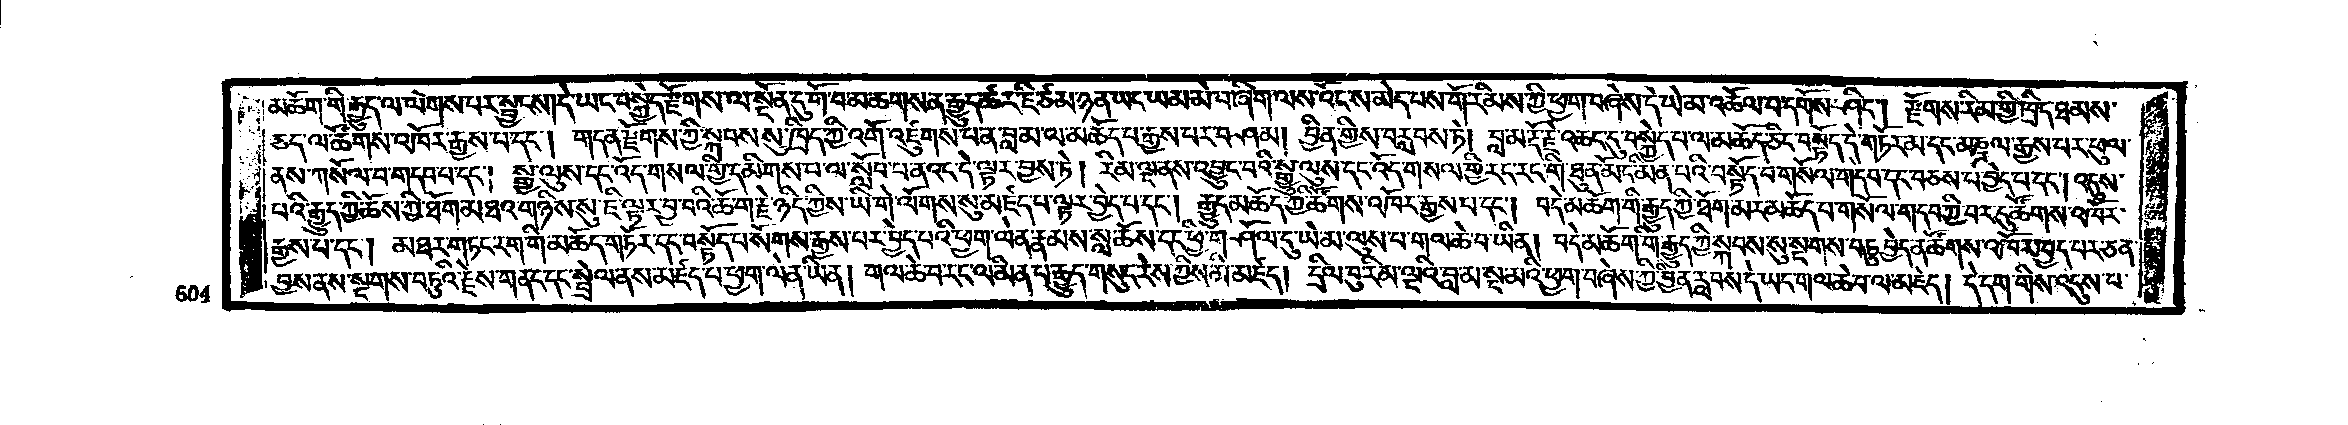མཆོག་གི་རྒྱུད་ལ་ལེགས་པར་སྦྱངས། དེ་ཡང་བསྐྱེད་རྫོགས་ལ་སྔོན་དུ་གོ་བ་མ་ཆགས་ན་རྒྱུད་ཚར་ཇི་ཙམ་ཉན་ཡང་ཡམ་མེ་བ་ཞིག་ལས་འོང་ས་མེད་པས་གོ་རིམས་ཀྱི་ཕྱག་བཞེས་དེ་ཡེ་མ་འཆོལ་བ་དགོས་ཤིང་། རྫོགས་རིམ་གྱི་ཁྲིད་ཐམས་
ཅད་ལ་ཚོགས་འཁོར་རྒྱས་པ་དང་། གདན་རྫོགས་ཀྱི་སྐབས་སུ་ཁྲིད་ཀྱི་འགོ་འཛུགས་པ་ན་བླ་མ་ལ་མཆོད་པ་རྒྱས་པར་བཤམ། བྱིན་གྱིས་བརླབས་ཏེ། བླ་མ་རྡོ་རྗེ་འཆང་དུ་བསྐྱེད་པ་ལ་མཆོད་ཅིང་བསྟོད་དེ་གཏོར་མ་དང་མཎྜལ་རྒྱས་པར་ཕུལ་
ནས་གསོལ་བ་གདབ་པ་དང་། སྒྱུ་ལུས་དང་འོད་གསལ་གྱི་དམིགས་པ་ལ་སློབ་པ་ནའང་དེ་ལྟར་བྱས་ཏེ། རིམ་ལྔ་ནས་འབྱུང་བའི་སྒྱུ་ལུས་དང་འོད་གསལ་གྱི་རང་རང་གི་ཐུན་མོང་མིན་པའི་བསྟོད་པ་གསོལ་གདབ་དང་བཅས་པ་བྱེད་པ་དང་། འདུས་
པའི་རྒྱུད་ཀྱི་ཆོས་ཀྱི་ཐོག་མཐའ་གཉིས་སུ་ཇི་ལྟར་བྱ་བའི་ཆོ་ག་རྗེ་ཉིད་ཀྱིས་ཡི་གེ་ལོགས་སུ་མཛད་པ་ལྟར་བྱེད་པ་དང་། རྒྱུད་མཆོད་ཀྱི་ཚོགས་འཁོར་རྒྱས་པ་དང་། བདེ་མཆོག་གི་རྒྱུད་ཀྱི་ཐོག་མར་མཆོད་པ་གསོལ་གདབ་ཀྱི་བར་དུ་ཚོགས་འཁོར་
རྒྱས་པ་དང་། མཐར་གཏང་རག་གི་མཆོད་གཏོར་དང་བསྟོད་པ་སོགས་རྒྱས་པར་བྱེད་པའི་ཕྱག་ལེན་རྣམས་སླ་ཆོས་དང་ཕྱི་གཤོལ་དུ་ཡེ་མ་ལུས་པ་གལ་ཆེ་བ་ཡིན། བདེ་མཆོག་གི་རྒྱུད་ཀྱི་སྐབས་སུ་སྔགས་བཏུ་བྱེད་ན་ཚོགས་འཁོར་ཁྱད་པར་ཅན་
བྱས་ནས་སྔགས་བཏུའི་རྗེས་གནང་དང་སྦྲེལ་ནས་མཛད་པ་ཕྱག་ལེན་ཡིན། གལ་ཆེ་བ་རང་ལ་མིན་པ་རྒྱུད་གསུང་རེས་ཀྱིས་མི་མཛད། དྲིལ་བུ་རིམ་ལྔའི་བླ་མ་སྔ་མའི་ཕྱག་བཞེས་ཀྱི་བྱིན་རླབས་དེ་ཡང་གལ་ཆེ་བ་ལ་མཛད། དེ་དག་གིས་འདུས་པ་